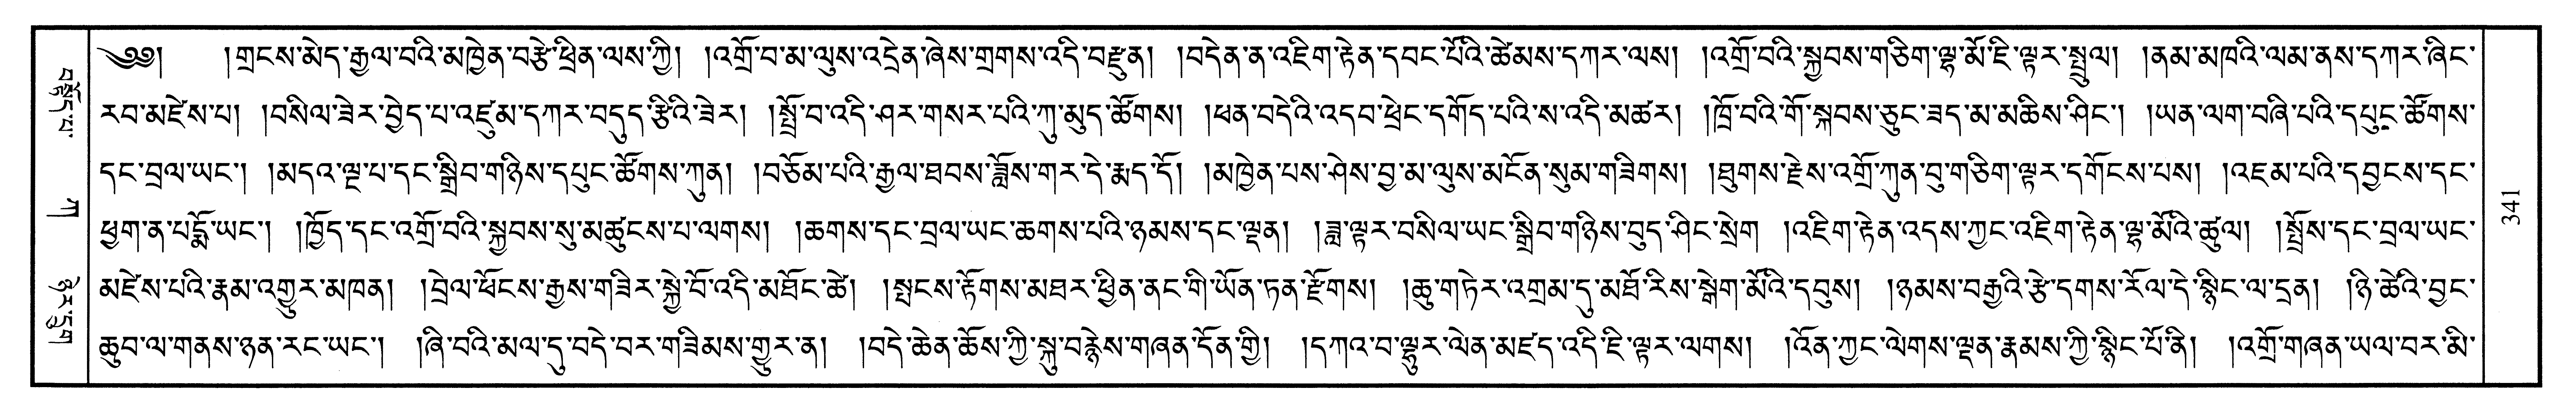༄༅། །གྲངས་མེད་རྒྱལ་བའི་མཁྱེན་བརྩེ་ཕྲིན་ལས་ཀྱི། །འགྲོ་བ་མ་ལུས་འདྲེན་ཞེས་གྲགས་འདི་བརྫུན། །བདེན་ན་འཇིག་རྟེན་དབང་པོའི་ཚེམས་དཀར་ལས། །འགྲོ་བའི་སྐྱབས་གཅིག་ལྷ་མོ་ཇི་ལྟར་སྤྲུལ། །ནམ་མཁའི་ལམ་ནས་དཀར་ཞིང་
རབ་མཛེས་པ། །བསིལ་ཟེར་བྱེད་པ་འཛུམ་དཀར་བདུད་རྩིའི་ཟེར། །སྤྲོ་བ་འདི་ཤར་གསར་པའི་ཀུ་མུད་ཚོགས། །ཕན་བདེའི་འདབ་ཕྲེང་དགོད་པའི་ས་འདི་མཚར། །ཁྲོ་བའི་གོ་སྐབས་ཅུང་ཟད་མ་མཆིས་ཤིང་། །ཡན་ལག་བཞི་པའི་དཔུང་ཚོགས་
དང་བྲལ་ཡང་། །མདའ་ལྔ་པ་དང་སྒྲིབ་གཉིས་དཔུང་ཚོགས་ཀུན། །བཅོམ་པའི་རྒྱལ་ཐབས་ཟློས་གར་དེ་རྨད་དོ། །མཁྱེན་པས་ཤེས་བྱ་མ་ལུས་མངོན་སུམ་གཟིགས། །ཐུགས་རྗེས་འགྲོ་ཀུན་བུ་གཅིག་ལྟར་དགོངས་པས། །འཇམ་པའི་དབྱངས་དང་
ཕྱག་ན་པདམོ་ཡང་། །ཁྱོད་དང་འགྲོ་བའི་སྐྱབས་སུ་མཚུངས་པ་ལགས། །ཆགས་དང་བྲལ་ཡང་ཆགས་པའི་ཉམས་དང་ལྡན། །ཟླ་ལྟར་བསིལ་ཡང་སྒྲིབ་གཉིས་བུད་ཤིང་སྲེག །འཇིག་རྟེན་འདས་ཀྱང་འཇིག་རྟེན་ལྷ་མོའི་ཚུལ། །སྤྲོས་དང་བྲལ་ཡང་
མཛེས་པའི་རྣམ་འགྱུར་མཁན། །བྲེལ་ཕོངས་རྒྱས་གཟིར་སྐྱེ་བོ་འདི་མཐོང་ཚེ། །སྤངས་རྟོགས་མཐར་ཕྱིན་ནང་གི་ཡོན་ཏན་རྫོགས། །ཆུ་གཏེར་འགྲམ་དུ་མཐོ་རིས་སྒེག་མོའི་དབུས། །ཉམས་བརྒྱའི་རྩེ་དགས་རོལ་དེ་སྙིང་ལ་དྲན། །ཉི་ཚེའི་བྱང་
ཆུབ་ལ་གནས་ཉན་རང་ཡང་། །ཞི་བའི་མལ་དུ་བདེ་བར་གཟིམས་གྱུར་ན། །བདེ་ཆེན་ཆོས་ཀྱི་སྐུ་བརྙེས་གཞན་དོན་གྱི། །དཀའ་བ་ལྷུར་ལེན་མཛད་འདི་ཇི་ལྟར་ལགས། །འོན་ཀྱང་ལེགས་ལྡན་རྣམས་ཀྱི་སྙིང་པོ་ནི། །འགྲོ་གཞན་ཡལ་བར་མི་